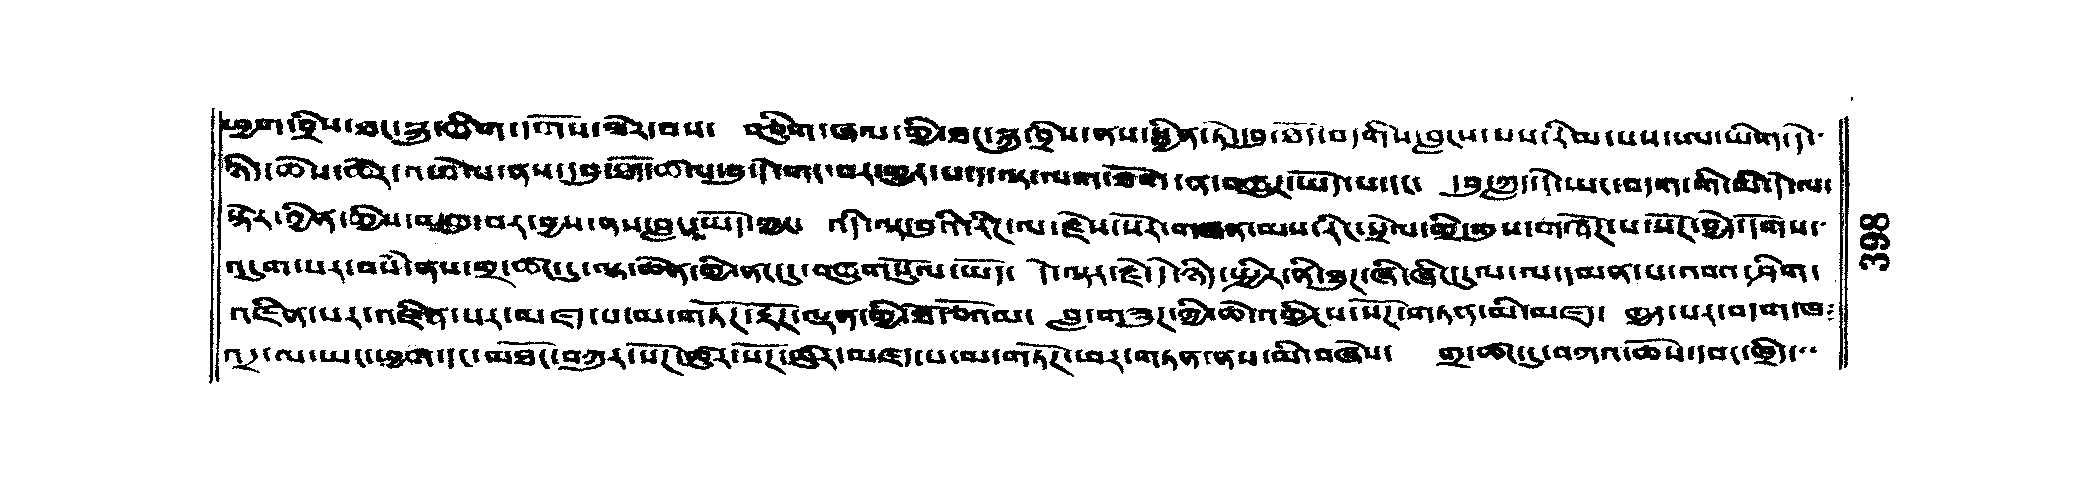ཕྱག་བྲིས་ཐང་སྐུ་ཞིག་དགོས་ཟེར་བས། བཅུ་གཅིག་ཞལ་གྱི་ཐང་སྐུ་བྲིས་ནས་སྦྱིན་ཏེ་དབུ་ཐོད་བདག་གིས་བླངས་པས་རིམ་པས་ཨ་ཡིག་དེ་
ཉིད་ཆེས་ཆེར་འཕེལ་ནས་དབུ་ཐོད་ཚལ་བུ་དེ་གང་བར་གྱུར་པ་ད་ལྟ་ལག་ཐོག་ན་བཞུགས་ཡོད་པ་དང་། དབུ་ཀླད་དེ་ཡང་བདག་གི་མི་དེ་ལ་
སྟེར་སྦྱྀན་གྱིས་མགུ་བར་བྱས་བས་བླངས་ཡོད་ཀྱང་། འདི་ལྟ་བུའི་རིགས་ལ་རྗེས་སོར་གཞན་མས་རིང་སྲེལ་གྲི་གུས་གཞོགས་པ་སོགས་བྱེད་དོགས་
འདུག་པར་བསམ་ནས་གྲྭ་ཚང་དུ་ལྷ་ཆེན་གྱི་ནང་དུ་བཞུགས་སུ་གསོལ་ཡོད། དེ་ལྟར་རྗེ་དེ་ཉིད་སྤྱིར་ནི་ཐུགས་ཞི་ཞིང་དུལ་ལ་དམན་ས་འབའ་ཤིག་
འཛིན་པར་་མཛད་པ་མ་གཏོགས་རྟོགས་ལྡན་གྱི་ཐོ་ཅོའམ།བླ་གཟུགས་ཀྱི་ཆེ་འགྱིང་སོགས་གཏན་མི་མཛད། ཁྱད་པར་བདག་ཁ་
འདྲ་ལ་ཡང་ཕྱག་དང་མཐོང་བཀུར་སོགས་ཚུར་མཛད་པ་མ་གཏོགས་ཕར་གཏན་ནས་མི་བཞེས། གྲྭ་ཚང་དུ་བཀའ་ཆོས་དབང་ཁྲིད་